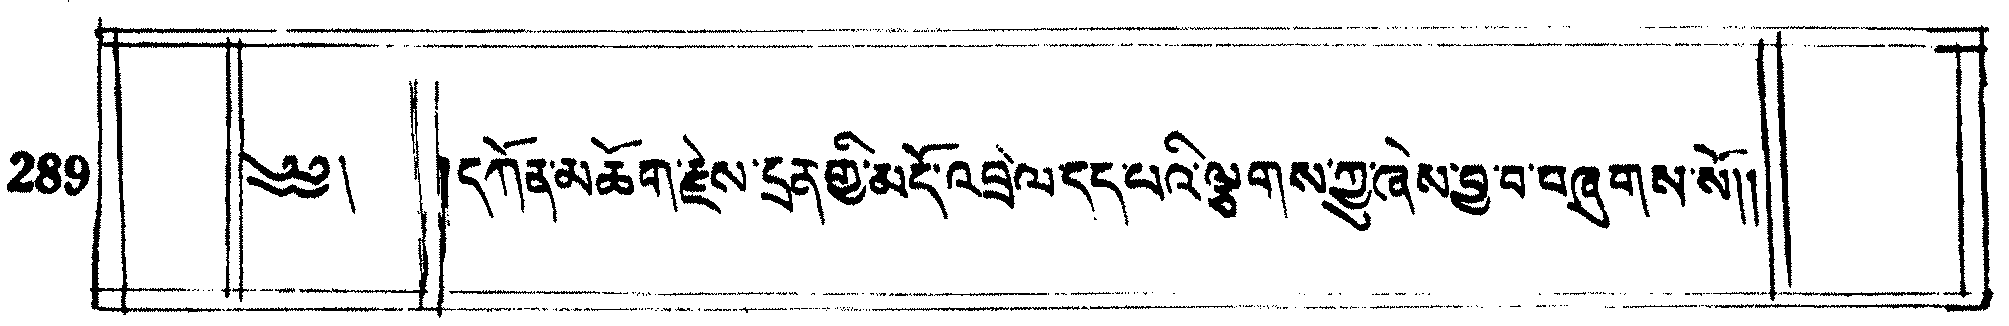༄༅། །དཀོན་མཆོག་རྗེས་དྲན་གྱི་མདོ་འགྲེལ་དད་པའི་ལྕགས་ཀྱུ་ཞེས་བྱ་བ་བཞུགས་སོ།།